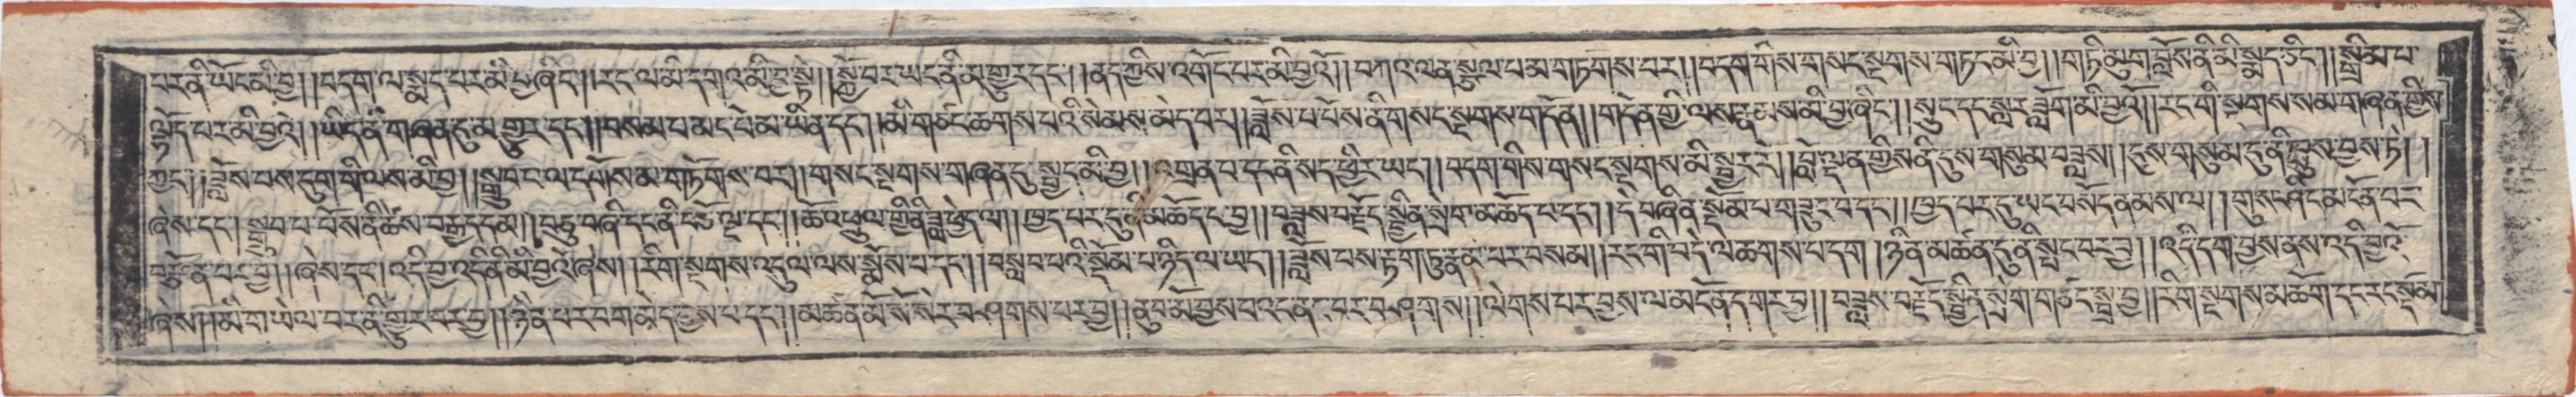པར་ནི་ཡོང་མི་བྱ། །བདག་ལ་སྨད་པར་མི་བྱ་ཞིང་། །རང་ལ་མི་དགའ་མི་བྱ་སྟེ། །སྐྱོ་བར་ཡང་ནི་མ་གྱུར་དང་། །ནད་ཀྱིས་འགོང་པར་མི་བྱའོ། །བཀའ་ལན་སྩལ་པ་མ་གཏོགས་པར། །བདག་གིས་གསང་སྔགས་གཏང་མི་བྱ། །གཏི་མུག་བློས་ནི་མི་སྨད་ཅིང་། །སྒྲིམ་པ་
ལྷོད་པར་མི་བྱའོ། །ཡིད་ནི་གཞན་དུ་མ་གྱུར་དང་། །བསམ་པ་མང་པོ་མ་ཡིན་དང་། །མི་གཙང་ཆགས་པའི་སེམས་མེད་པར། །ཟློས་པ་པོས་ནི་གསང་སྔགས་གདོན། །གདོན་གྱི་ལས་རྣམས་མི་བྱ་ཞིང་། །སྲུང་དང་སླར་ཟློག་མི་བྱའོ། །རང་གི་སྔགས་སམ་གཞན་གྱིས་
ཀྱང༑ ༑ཟློས་པས་དུག་གི་ལས་མི་བྱ། །སྒྲུབ་པ་ལ་དགོས་མ་གཏོགས་པར། །གསང་སྔགས་གཞན་དུ་སྤྱད་མི་བྱ། །འགྲན་པ་དང་ནི་སད་ཕྱིར་ཡང་། །བདག་གིས་གསང་སྔགས་མི་སྦྱར་རོ། །བློ་ལྡན་གྱིས་ནི་དུས་གསུམ་བཟླས། །དུས་གསུམ་དུ་ནི་ཁྲུས་བྱས་ཏེ། །
ཞེས་དང་། སྒྲུབ་པ་པོས་ནི་ཚེས་བརྒྱད་དམ། །བཅུ་བཞི་དང་ནི་བཅོ་ལྔ་དང་། །ཆོ་འཕྲུལ་གྱི་ནི་ཟླ་ཕྱེད་ལ། །ཁྱད་པར་དུ་ནི་མཆོད་པ་བྱ། །བཟླས་བརྗོད་སྦྱིན་སྲེག་མཆོད་པ་དང་། །དེ་བཞིན་སྡོམ་པ་གཟུང་བ་དང་། །ཁྱད་པར་དུ་ཡང་བསོད་ནམས་ལ། །གུས་ཤིང་མངོན་པར་
བརྩོན་པར་བྱ། །ཞེས་དང་། འདི་བྱ་འདི་ནི་མི་བྱའོ་ཞེས། །རིག་སྔགས་འདུལ་ལས་སྨོས་པ་དང་། །བསླབ་པའི་སྡོམ་པ་ཉིད་ལ་ཡང་། །ཟློས་པས་རྟག་ཏུ་རྣམ་པར་བསམ། །རང་གི་བདེ་ལ་ཆགས་པ་དག །ཉིན་མཚན་དུ་ནི་སྤང་བར་བྱ། །འདི་དག་བྱས་ནས་འདི་བྱའོ་
ཞེས། །མི་གཡེལ་བར་ནི་གྱུར་བར་བྱ། །ཉིན་པར་བག་མེད་བྱས་པ་དང་། །མཚན་མོ་སོ་སོར་བཤགས་པར་བྱ། །ནུབ་མོ་བྱས་པའང་ནང་བར་བཤགས། །ལེགས་པར་བྱས་ལ་མངོན་དགར་བྱ། །བཟླས་བརྗོད་སྦྱིན་སྲེག་གཙང་སྦྲ་བྱ། །རིག་སྔགས་མཆོག་དང་རང་སྡོམ་